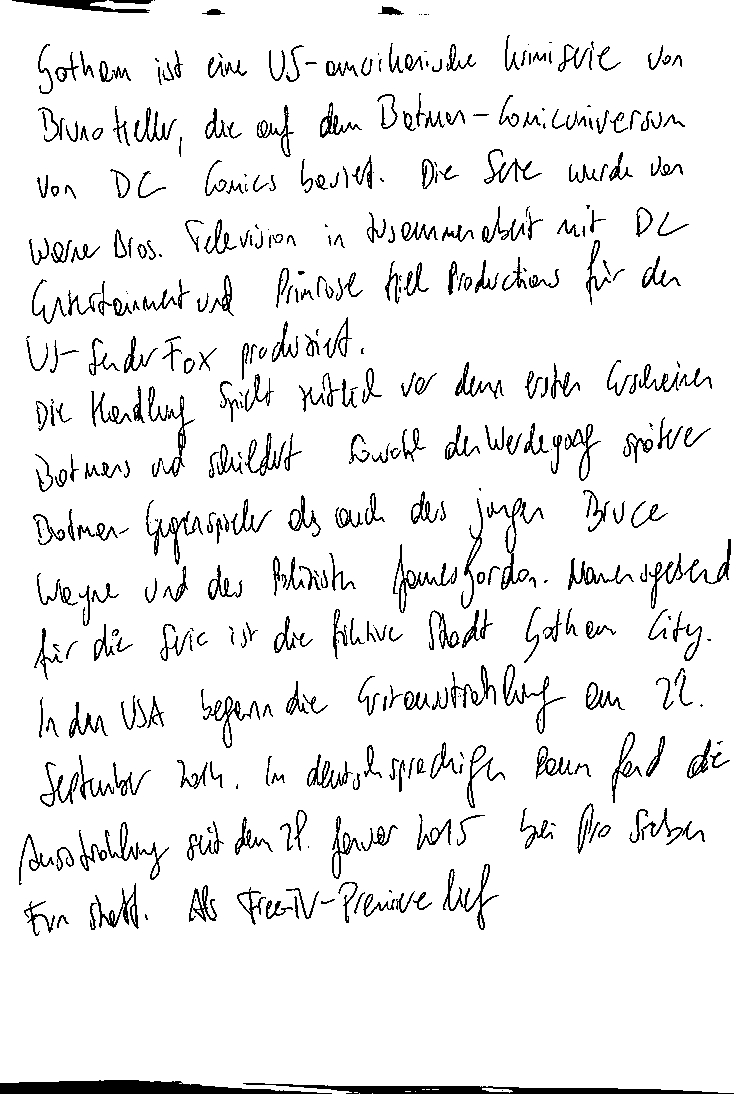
Gotham ist eine US-amerikanische Krimiserie von
Bruno Heller, die auf dem Batman-Comicuniversum
von DC Comics basiert. Die Serie wurde von
Warner Bros. Television Television Zusammenarbeit mit DC
Entertainment und Primrose Hill Productions für den
US- Sender Fox produziert.
Die Handlung spielt zeitlich vor dem ersten Erscheinen
Batmans und schildert sowohl den Werdegang späterer
Batman-Gegenspieler als auch des jungen Bruce
Wayne und des Polizisten James Gordon. Namensgebend
für die Serie ist die fiktive Stadt Gotham City.
In den USA begann die Erstausstrahlung am 22.
September 2014. Im deutschsprachigen Raum fand die
Ausstrahlung seit dem 29 Januar 2015 bei ProSieben
Fun statt. Als Free-TV-Premiere lief
